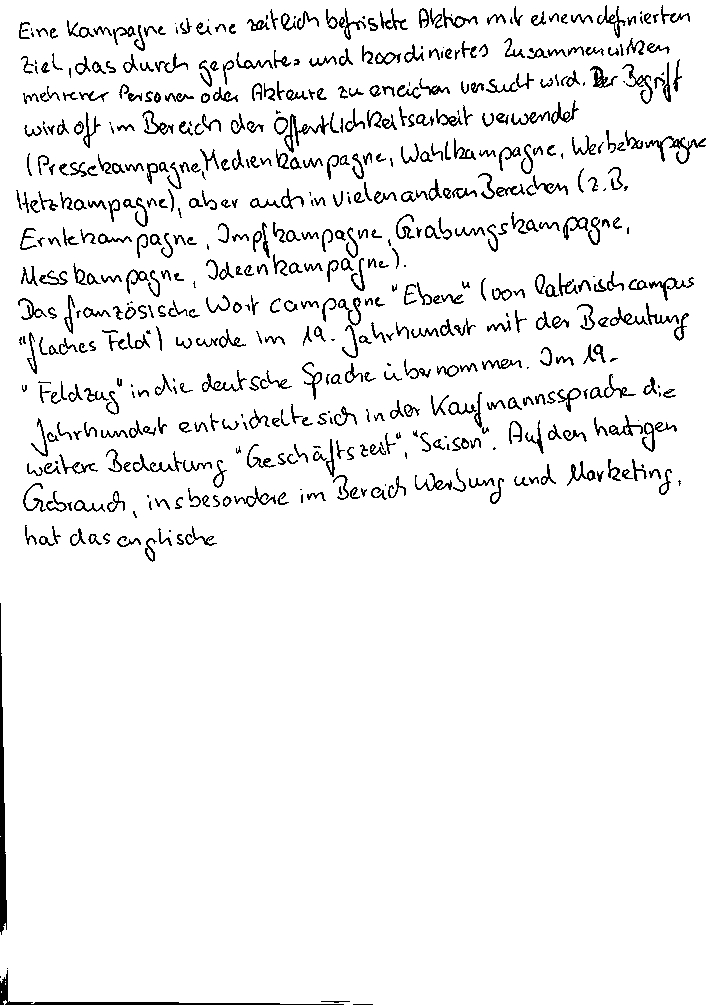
Eine Kampagne ist eine zeitlich befristete Aktion mit einem definierten
Ziel, das durch geplantes und koordiniertes Zusammenwirken
mehrerer Personen oder Akteure zu erreichen versucht wird. Begriff
wird oft im Bereich der Öffentlichkeitsarbeit verwendet
(Pressekampagne, Medienkampagne, Wahlkampagne, Werbekampagne
Hetzkampagne), aber auch in vielen anderen Bereichen (z. B.
Erntekampagne, Impfkampagne, Grabungskampagne,
Messkampagne, Ideenkampagne).
Das französische Wort campagne "Ebene" (von lateinisch campus
"flaches Feld") wurde im 19. Jahrhundert mit der Bedeutung
"Feldzug" in die deutsche Sprache übernommen. Im 19.
Jahrhundert entwickelte sich in der Kaufmannssprache die
weitere Bedeutung "Geschäftszeit", "Saison". Auf den heutigen
Gebrauch, insbesondere im Bereich Werbung und Marketing,
hat das englische
